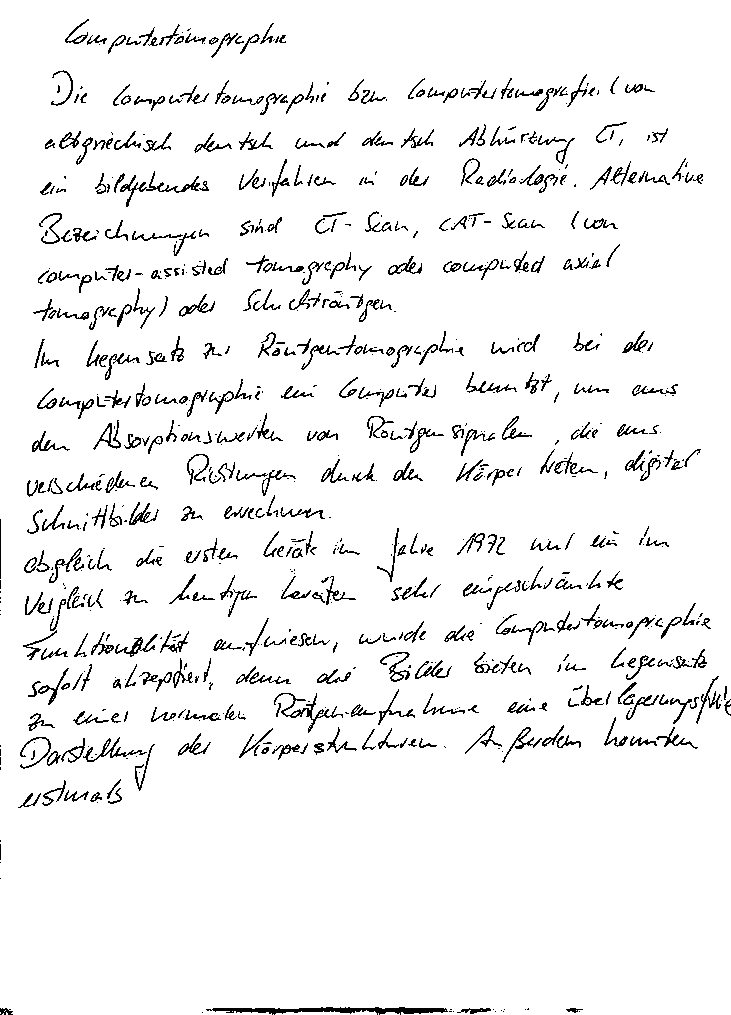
Computertomographie
Die Computertomographie bzw. Computertomografie (von
altgriechisch deutsch und deutsch Abkürzung CT, ist
ein bildgebendes Verfahren in der Radiologie. Alternative
Bezeichnungen sind CT-Scan, CAT-Scan (von
computer-assisted tomography oder computed axial
tomography) oder Schichtröntgen
Im Gegensatz zur Röntgentomographie wird bei der
Computertomographie ein Computer benutzt, um aus
den Absorptionswerten von Röntgensignalen, die aus
verschiedenen Richtungen durch den Körper treten, digital
Schnittbilder zu errechnen.
Obgleich die ersten Geräte im Jahre 1972 nur eine im
Vergleich zu heutigen Geräten sehr eingeschränkte
Funktionalität aufwiesen, wurde die Computertomographie
sofort akzeptiert, denn die Bilder bieten im Gegensatz
zu einer normalen Röntgenaufnahme eine überlagerungsfreie
Darstellung der Körperstrukturen. Außerdem konnten
erstmals
